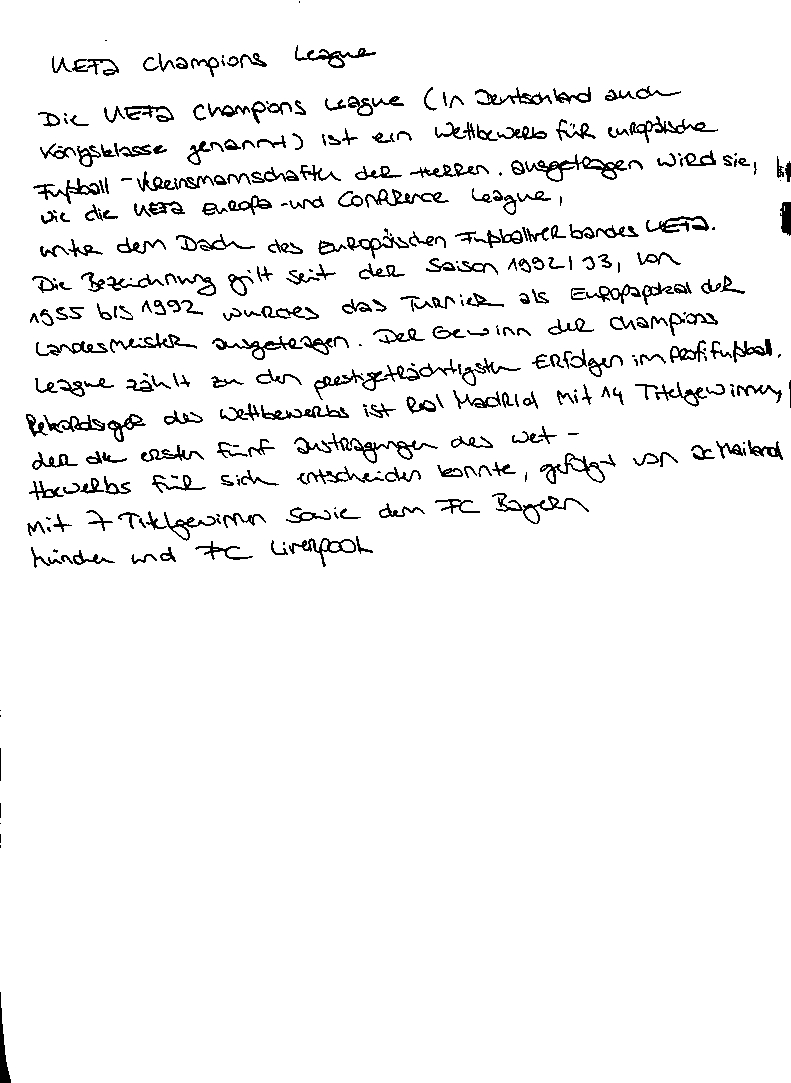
UEFA Champions League
Die UEFA Champions League (In Deutschland auch
Königsklasse genannt) ist ein Wettbewerb für europäische
Fußball-Vereinsmannschaften der Herren. Ausgetragen wird sie,
wie die UEFA Europa und Conference League,
unter dem Dach des Europäischen Fußballverbandes UEFA.
Die Bezeichnung gilt seit der Saison 1992/93, von
1955 bis1992 wurde das Turnier als Europapokal der
Landesmeister ausgetragen. Der Gewinn der Champions
League zählt zu den prestigeträchtigsten Erfolgen im Profifußball.
Rekordsieger des Wettbewerbs ist Real Madrid mit 14 Titelgewinnen,
der die ersten fünf Austragungen des Wet-
tbewerbs für sich entscheiden konnte, gefolgt von
mit 7 Titelgewinnen sowie dem FC Bayern
München und FC Liverpool
